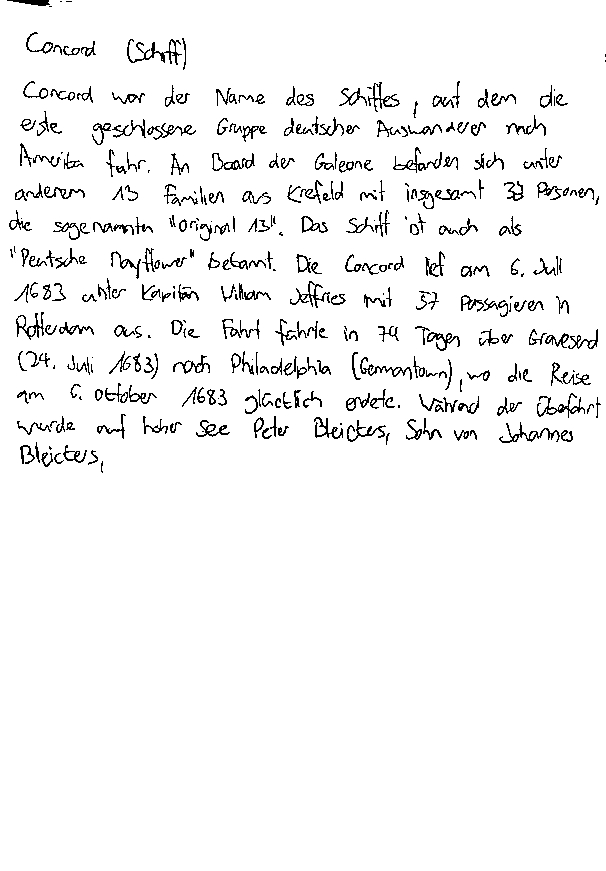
Concord (Schiff)
Concord war der Name des Schiffes, auf dem die
erste geschlossene Gruppe deutscher Auswanderer nach
Amerika fuhr. An Bord der Galeone befanden sich unter
anderem 13 Familien aus Krefeld mit insgesamt 33 Personen,
die sogenannten "Original 13". Das Schiff ist auch als
"Deutsche Mayflower" bekannt. Die Concord lief am 6. Juli
1683 unter Kapitän William Jeffries mit 57 Passagieren in
Rotterdam aus. Die Fahrt führte in 74 Tagen über Gravesend
(24. Juli 1683) nach Philadelphia (Germantown), wo die Reise
am 6. Oktober 1683 glücklich endete. Während der Überfahrt
wurde auf hoher See Peter Bleickers, Sohn von Johannes
Bleickers,
